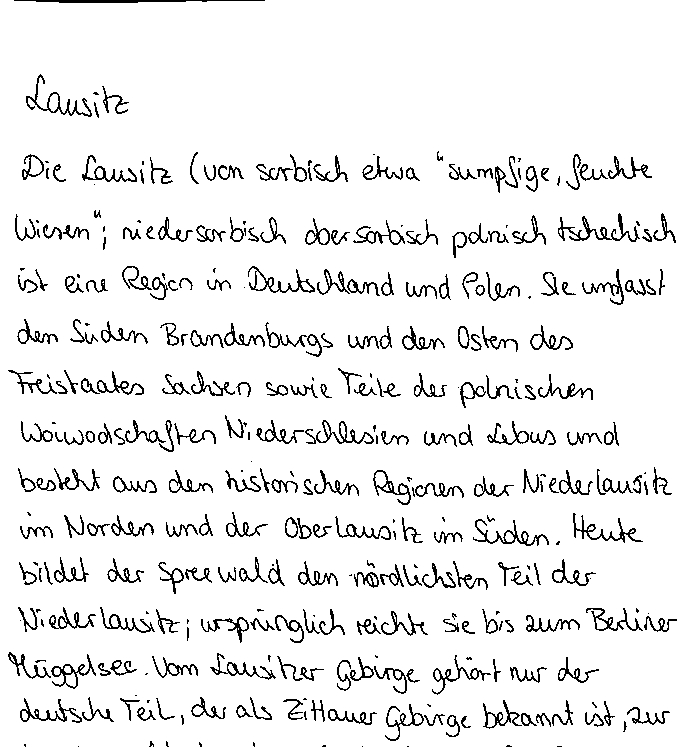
Lausitz
Die Lausitz (von sorbisch etwa "sumpfige, feuchte
Wiesen"; niedersorbisch obersorbisch polnisch tschechisch
ist eine Region in Deutschland und Polen. Sie umfasst
den Süden Brandenburgs und den Osten des
Freistaates Sachsen sowie Teile der polnischen
Woiwodschaften Niederschlesien und Lebus und
besteht aus den historischen Regionen der Niederlausitz
im Norden und der Oberlausitz im Süden. Heute
bildet der Spreewald den nördlichsten Teil der
Niederlausitz; ursprünglich reichte sie bis zum Berliner
Müggelsee. Vom Lausitzer Gebirge gehört nur der
deutsche Teil, der als Zittauer Gebirge bekannt ist, zur
